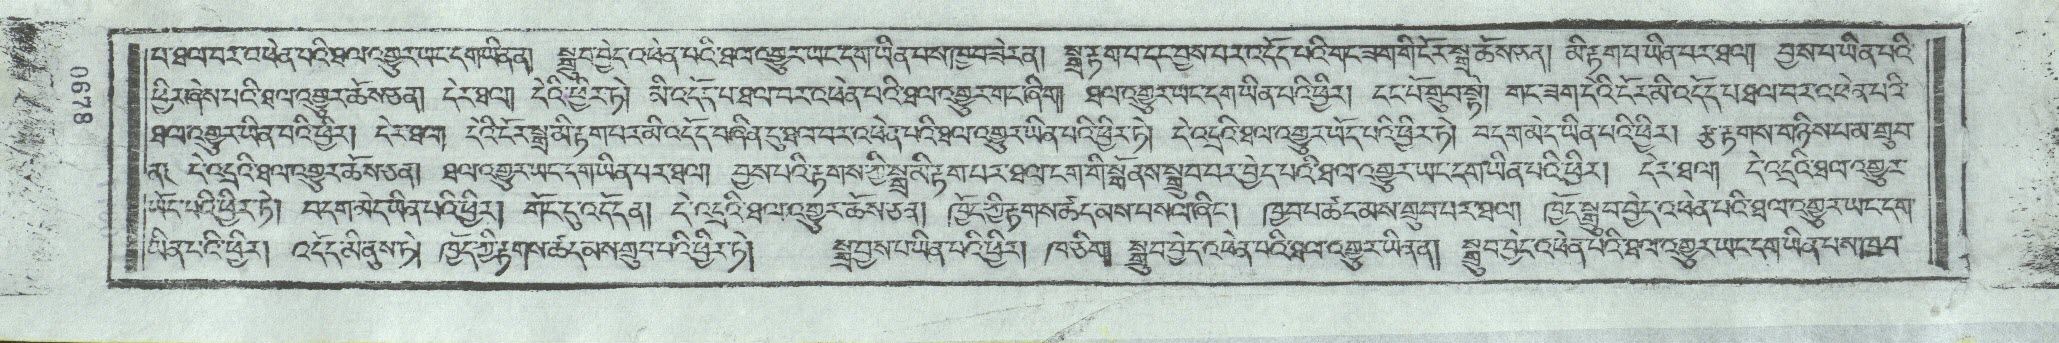པ་ཐལ་བར་འཕེན་པའི་ཐལ་འགྱུར་ཡང་དག་ཡིན་ན། སྒྲུབ་བྱེད་འཕེན་པའི་ཐལ་འགྱུར་ཡང་དག་ཡིན་པས་ཁྱབ་ཟེར་ན། སྒྲ་རྟག་པ་དང་བྱས་པར་འདོད་པའི་གང་ཟག་གི་ངོར་སྒྲ་ཆོས་ཅན། མི་རྟག་པ་ཡིན་པར་ཐལ། བྱས་པ་ཡིན་པའི་
ཕྱིར་ཞེས་པའི་ཐལ་འགྱུར་ཆོས་ཅན། དེར་ཐལ། དེའི་ཕྱིར་ཏེ། མི་འདོད་པ་ཐལ་བར་འཕེན་པའི་ཐལ་འགྱུར་གང་ཞིག། ཐལ་འགྱུར་ཡང་དག་ཡིན་པའི་ཕྱིར། དང་པོ་གྲུབ་སྟེ། གང་ཟག་དེའི་ངོར་མི་འདོད་པ་ཐལ་བར་འཕེན་པའི་
ཐལ་འགྱུར་ཡིན་པའི་ཕྱིར། དེར་ཐལ། དེའི་ངོར་སྒྲ་མི་རྟག་པར་མི་འདོད་བཞིན་དུ་ཐལ་བར་འཕེན་པའི་ཐལ་འགྱུར་ཡིན་པའི་ཕྱིར་ཏེ། དེ་འདྲའི་ཐལ་འགྱུར་ཡོད་པའི་ཕྱིར་ཏེ། བདག་མེད་ཡིན་པའི་ཕྱིར། རྩ་རྟགས་གཉིས་བ་མ་གྲུབ་
ན༑ དེ་འདྲའི་ཐལ་འགྱུར་ཆོས་ཅན། ཐལ་འགྱུར་ཡང་དག་ཡིན་པར་ཐལ། བྱས་པའི་རྟགས་ཀྱི་སྒྲ་མི་རྟག་པར་ཐལ་ངག་གི་སྒོ་ནས་སྒྲུབ་པར་བྱེད་པའི་ཐལ་འགྱུར་ཡང་དག་ཡིན་པའི་ཕྱིར། དེར་ཐལ། དེ་འདྲའི་ཐལ་འགྱུར་
ཡོད་པའི་ཕྱིར་ཏེ། བདག་མེད་ཡིན་པའི་ཕྱིར། གོང་དུ་འདོད་ན། དེ་འདྲའི་ཐལ་འགྱུར་ཆོས་ཅན། ཁྱོད་ཀྱི་རྟགས་ཚད་མས་བསལ་ཞིང་། ཁྱབ་པ་ཚད་མས་གྲུབ་པར་ཐལ། ཁྱོད་སྒྲུབ་བྱེད་འཕེན་པའི་ཐལ་འགྱུར་ཡང་དག་
ཡིན་པའི་ཕྱིར། འདོད་མི་ནུས་ཏེ། ཁྱོད་ཀྱི་རྟགས་ཚད་མས་གྲུབ་པའི་ཕྱིར་ཏེ། སྒྲ་བྱས་པ་ཡིན་པའི་ཕྱིར། ཁ་ཅིག། སྒྲུབ་བྱེད་འཕེན་པའི་ཐལ་འགྱུར་ཡིན་ན། སྒྲུབ་བྱེད་འཕེན་པའི་ཐལ་འགྱུར་ཡང་དག་ཡིན་པས་ཁྱབ་